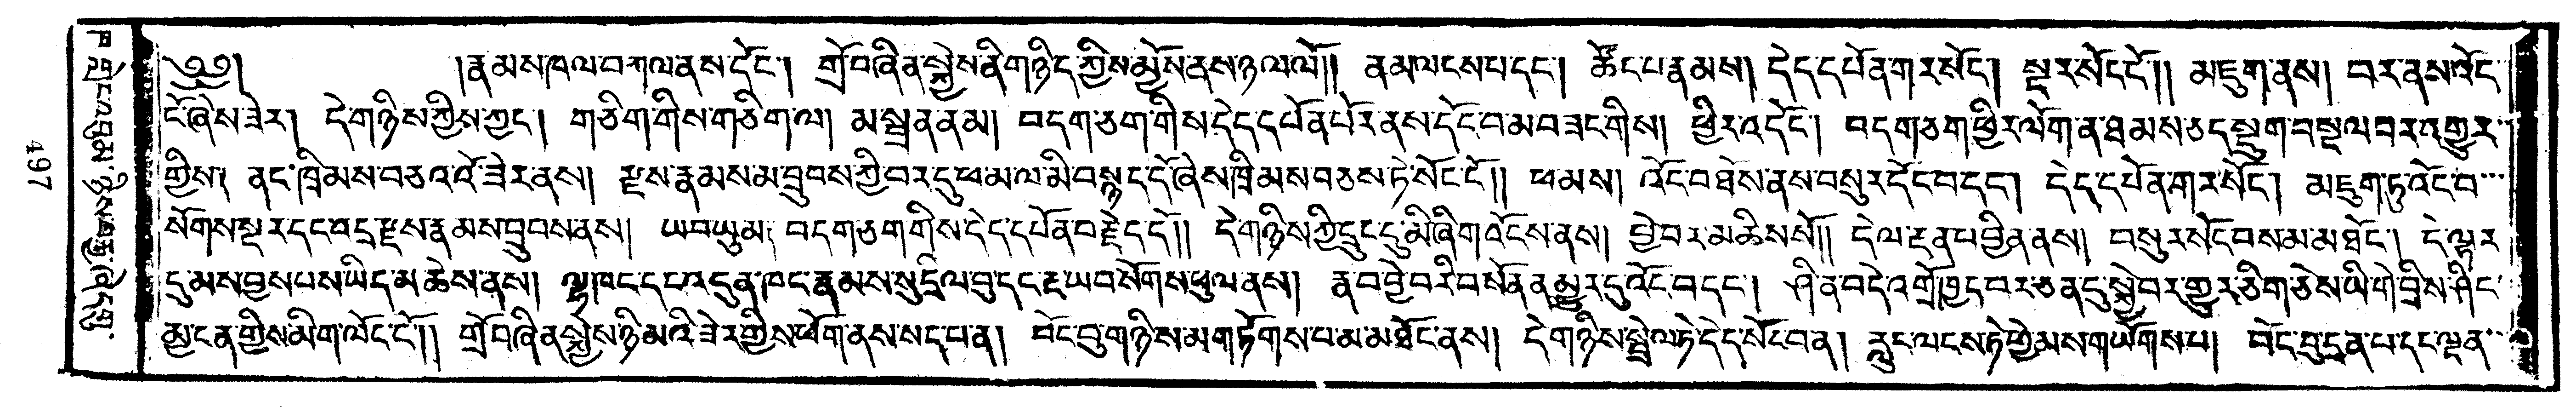༄༅། །རྣམས་ཁལ་བཀལ་ནས་དོང་། གྲོ་བཞིན་སྐྱེས་ནི་གཉིད་ཀྱིས་མྱོས་ནས་ཉལ་ལོ།། ནམ་ལངས་པ་དང་། ཚོང་པ་རྣམས། དེད་དཔོན་གར་སོང་། སྔར་སོང་ངོ།། མཇུག་ནས། བར་ནས་འོང་
ངོ་ཞེས་ཟེར། དེ་གཉིས་ཀྱིས་ཀྱང་། གཅིག་གིས་གཅིག་ལ། མ་སྦྲན་ནམ། བདག་ཅག་གིས་དེད་དཔོན་པོར་ནས་དོང་བ་མ་བཟང་གིས། ཕྱིར་འདོང་། བདག་ཅག་ཕྱིར་ལོག་ན་ཐམས་ཅད་སྡུག་བསྔལ་བར་འགྱུར་
གྱིས༑ ནང་ཁྲིམས་བཅའ་འོ་ཟེར་ནས། རྫས་རྣམས་མ་བྲུབས་ཀྱི་བར་དུ་ཕ་མ་ལ་མི་བསྙད་དོ་ཞེས་ཁྲིམས་བཅས་ཏེ་སོང་ངོ།། ཕ་མས། འོང་བ་ཐོས་ནས་བསུར་དོང་བ་དང་། དེད་དཔོན་གར་སོང་། མཇུག་ཏུ་འོང་བ་
སོགས་སྡར་དང་འདྲ་རྫས་རྣམས་བྲུབས་ནས། ཡབ་ཡུམ༑ བདག་ཅག་གིས་དེད་དཔོན་བརྗེད་དོ།། དེ་གཉིས་ཀྱི་དྲུང་དུ་མི་ཞིག་འོངས་ནས། བྱེ་བར་མཆིས་སོ།། དེ་ལ་རྡན་པ་བྱིན་ནས། བསུར་སོང་བསམ་མཐོང་། དེ་ལྟར་
དུ་མས་བྱས་པས་ཡིད་མ་ཆེས་ནས། ལྷ་ཁང་དང་འདུན་ཁང་རྣམས་སུ་དྲིལ་བུ་དང་རྔ་ཡབ་སོགས་ཕུལ་ནས། རྣ་བ་བྱེ་བ་རི་བསོན་ན་མྱུར་དུ་འོང་བ་དང་། ཤིན་བདེ་འགྲོ་ཁྱད་བར་ཅན་དུ་སྐྱེ་བར་གྱུར་ཅིག་ཅེས་ཡི་གེ་བྲིས་ཤིང་
མྱ་ངན་གྱིས་མིག་ལོང་ངོ།། གྲོ་བཞིན་སྐྱེས་ཉི་མའི་ཟེར་གྱིས་ཕོག་ནས་སད་པ་ན། བོང་བུ་གཉིས་མ་གཏོགས་པ་མ་མཐོང་ནས། དེ་གཉིས་སྦྲེལ་ཏེ་དེད་སོང་བ་ན། རླུང་ལངས་ཏེ་ཕྱེ་མས་གཡོགས་པ། བོང་བུ་དྲན་པ་དང་ལྡན་